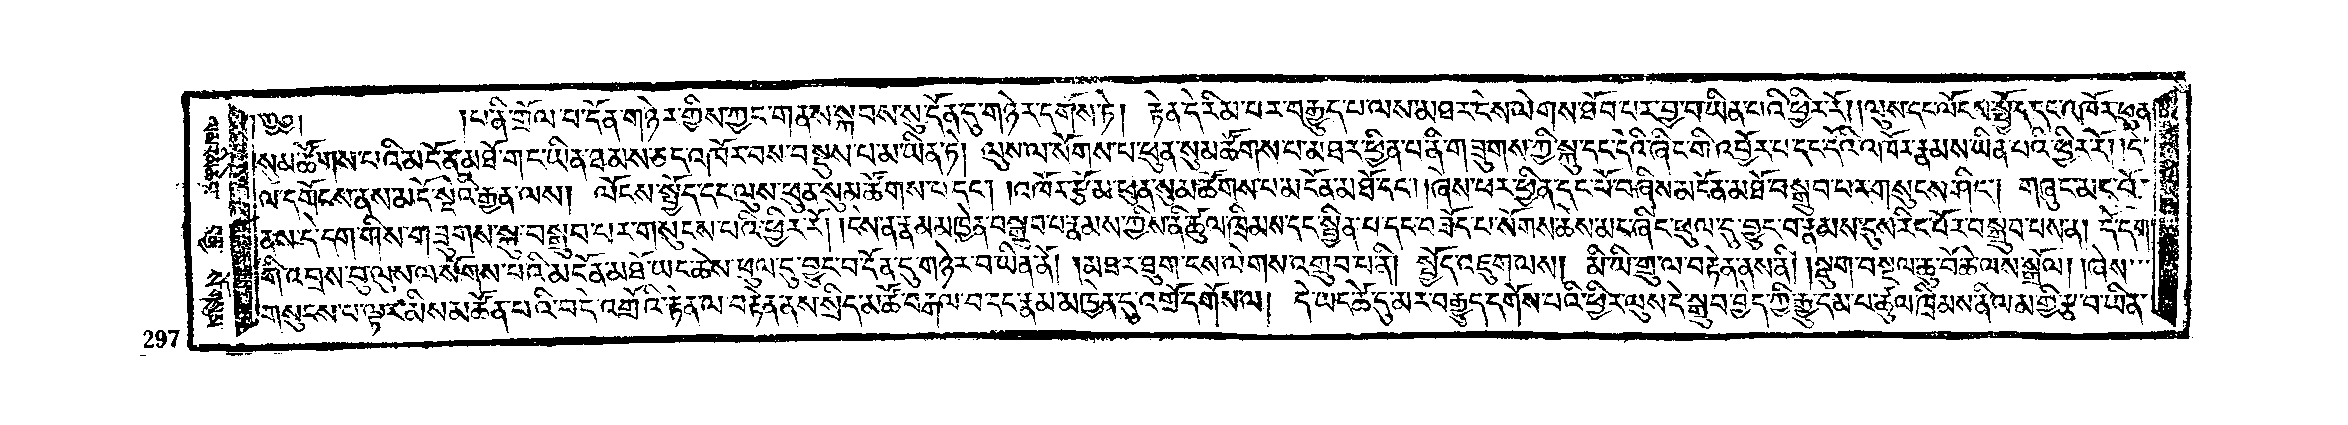༄༅། །པ་ནི་གྲོལ་བ་དོན་གཉེར་གྱིས་ཀྱང་གནས་སྐབས་སུ་དོན་དུ་གཉེར་དགོས་ཏེ། རྟེན་དེ་རིམ་པར་བརྒྱུད་པ་ལས་མཐར་ངེས་ལེགས་ཐོབ་པར་བྱ་བ་ཡིན་པའི་ཕྱིར་རོ། །ལུས་དང་ལོངས་སྤྱོད་དང་འཁོར་ཕུན་
སུམ་ཚོགས་པའི་མངོན་མཐོ་གང་ཡིན་ཐམས་ཅད་འཁོར་བས་བསྡུས་པ་མ་ཡིན་ཏེ། ལུས་ལ་སོགས་པ་ཕུན་སུམ་ཚོགས་པ་མཐར་ཕྱིན་པ་ནི་གཟུགས་ཀྱི་སྐུ་དང་དེའི་ཞིང་གི་འབྱོར་པ་དང་དེའི་འཁོར་རྣམས་ཡིན་པའི་ཕྱིར་རོ། །དེ་
ལ་དགོངས་ནས་མདོ་སྡེའི་རྒྱན་ལས། ལོངས་སྤྱོད་དང་ལུས་ཕུན་སུམ་ཚོགས་པ་དང་། །འཁོར་རྩོམ་ཕུན་སུམ་ཚོགས་པ་མངོན་མཐོ་དང་། །ཞེས་ཕར་ཕྱིན་དང་པོ་བཞིས་མངོན་མཐོ་བསྒྲུབ་པར་གསུངས་ཤིང་། གཞུང་མང་པོ་
ནས་དེ་དག་གིས་གཟུགས་སྐུ་བསྒྲུབ་པར་གསུངས་པའི་ཕྱིར་རོ། །དེས་ན་རྣམ་མཁྱེན་བསྒྲུབ་པ་རྣམས་ཀྱིས་ནི་ཚུལ་ཁྲིམས་དང་སྦྱིན་པ་དང་བཟོད་པ་སོགས་ཆེས་མང་ཞིང་ཕུལ་དུ་བྱུང་བ་རྣམས་དུས་རིང་པོར་བསྒྲུབ་པས་ན། དེ་དག་
གི་འབྲས་བུ་ལུས་ལ་སོགས་པའི་མངོན་མཐོ་ཡང་ཆེས་ཕུལ་དུ་བྱུང་བ་དོན་དུ་གཉེར་བ་ཡིན་ནོ། །མཐར་ཐུག་ངེས་ལེགས་འགྲུབ་པ་ནི། སྤྱོད་འཇུག་ལས། མི་ཡི་གྲུ་ལ་བརྟེན་ནས་ནི། །སྡུག་བསྔལ་ཆུ་བོ་ཆེ་ལས་སྒྲོལ། །ཞེས་
གསུངས་པ་ལྟར་མིས་མཚོན་པའི་བདེ་འགྲོའི་རྟེན་ལ་བརྟེན་ནས་སྲིད་མཚོ་བརྒལ་བ་དང་རྣམ་མཁྱེན་དུ་འགྲོ་དགོས་ལ། དེ་ཡང་ཚེ་དུ་མར་བརྒྱུད་དགོས་པའི་ཕྱིར་ལུས་དེ་སྒྲུབ་བྱེད་ཀྱི་རྒྱུ་དམ་པ་ཚུལ་ཁྲིམས་ནི་ལམ་གྱི་རྩ་བ་ཡིན་